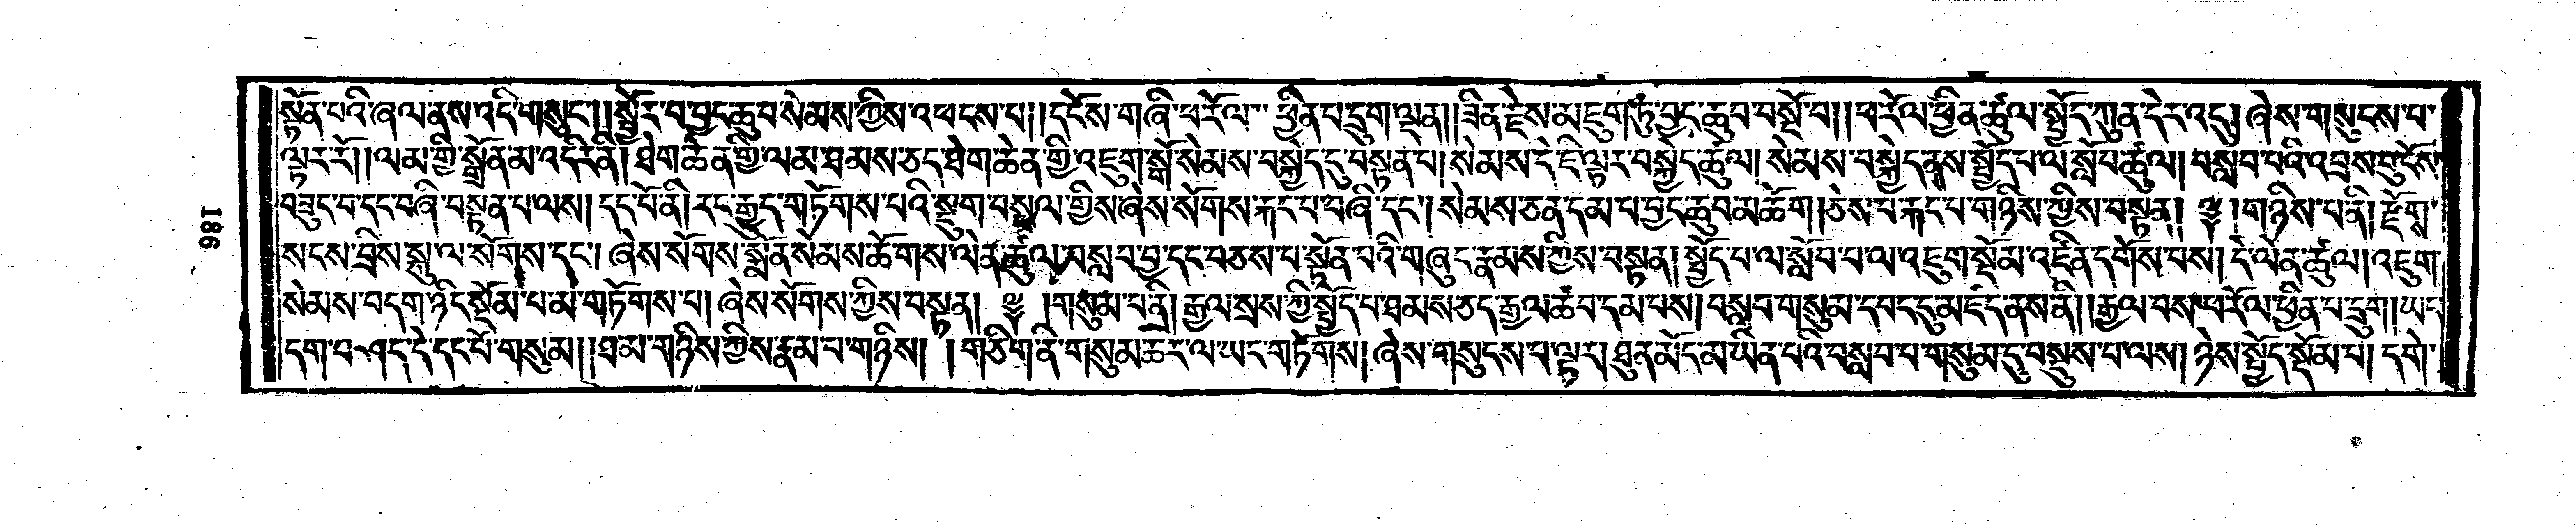སྟོན་པའི་ཞལ་ནས་འདི་གསུང་། །སྦྱོར་བ་བྱང་ཆུབ་སེམས་ཀྱིས་འཕངས་པ། །དངོས་གཞི་ཕ་རོལ་ཕྱིན་པ་དྲུག་ལྡན། །ཟིན་རྗེས་མཇུག་ཏུ་བྱང་ཆུབ་བསྔོ་བ། །ཕ་རོལ་ཕྱིན་ཚུལ་སྦྱོར་ཀུན་དེར་འདུ། ཞེས་གསུངས་པ་
ལྟར་རོ། །ལམ་གྱི་སྒྲོན་མ་འདིར་ནི། ཐེག་ཆེན་གྱི་ལམ་ཐམས་ཅད་ཐེག་ཆེན་གྱི་མཇུག་སྒོ་སེམས་བསྐྱེད་དུ་བསྟན་པ། སེམས་དེ་ཇི་ལྟར་བསྐྱེད་ཚུལ། སེམས་བསྐྱེད་ནས་སྤྱོད་པ་ལ་སློབ་ཚུལ། བསླབ་པའི་འབྲས་བུ་ངོས་
བཟུང་བ་དང་བཞི་བསྟན་པ་ལས། དང་པོ་ནི། རང་རྒྱུད་གཏོགས་པའི་སྡུག་བསྔལ་གྱིས་ཞེས་སོགས་རྐང་པ་བཞི་དང་། སེམས་ཅན་དམ་པ་བྱང་ཆུབ་མཆོག །ཅེས་པ་རྐང་པ་གཉིས་ཀྱིས་བསྟན། ༈ །གཉིས་པ་ནི། རྫོགས་
སངས་བྲིས་སྐུ་ལ་སོགས་དང་། ཞེས་སོགས་སྨོན་སེམས་ཆོ་གས་ལེན་ཚུལ་བསླབ་བྱ་དང་བཅས་པ་སྟོན་པའི་གཞུང་རྣམས་ཀྱིས་བསྟན། སྤྱོད་པ་ལ་སློབ་པ་ལ་འཇུག་སྡོམ་འཛིན་དགེས་བས། དེ་ལེན་ཚུལ། འཇུག་
སེམས་བདག་ཉིད་སྡོམ་པ་མ་གཏོགས་པ། ཞེས་སོགས་ཀྱིས་བསྟན། ༈ །གསུམ་པ་ནི། རྒྱལ་སྲས་ཀྱི་སྤྱོད་པ་ཐམས་ཅད་རྒྱལ་ཚབ་དམ་པས། བསླབ་གསུམ་དབང་དུ་མཛད་ནས་ནི། །རྒྱལ་བས་ཕ་རོལ་ཕྱིན་པ་དྲུག །ཡང་
དག་བཤད་དེ་དང་པོ་གསུམ། །ཐ་མ་གཉིས་ཀྱིས་རྣམ་པ་གཉིས། །གཅིག་ནི་གསུམ་ཆར་ལ་ཡང་གཏོགས། །ཞེས་གསུངས་པ་ལྟར། ཐུན་མོང་མ་ཡིན་པའི་བསླབ་པ་གསུམ་དུ་བསྡུས་པ་ལས། ཉེས་སྤྱོད་སྒོམ་པ། དགེ་